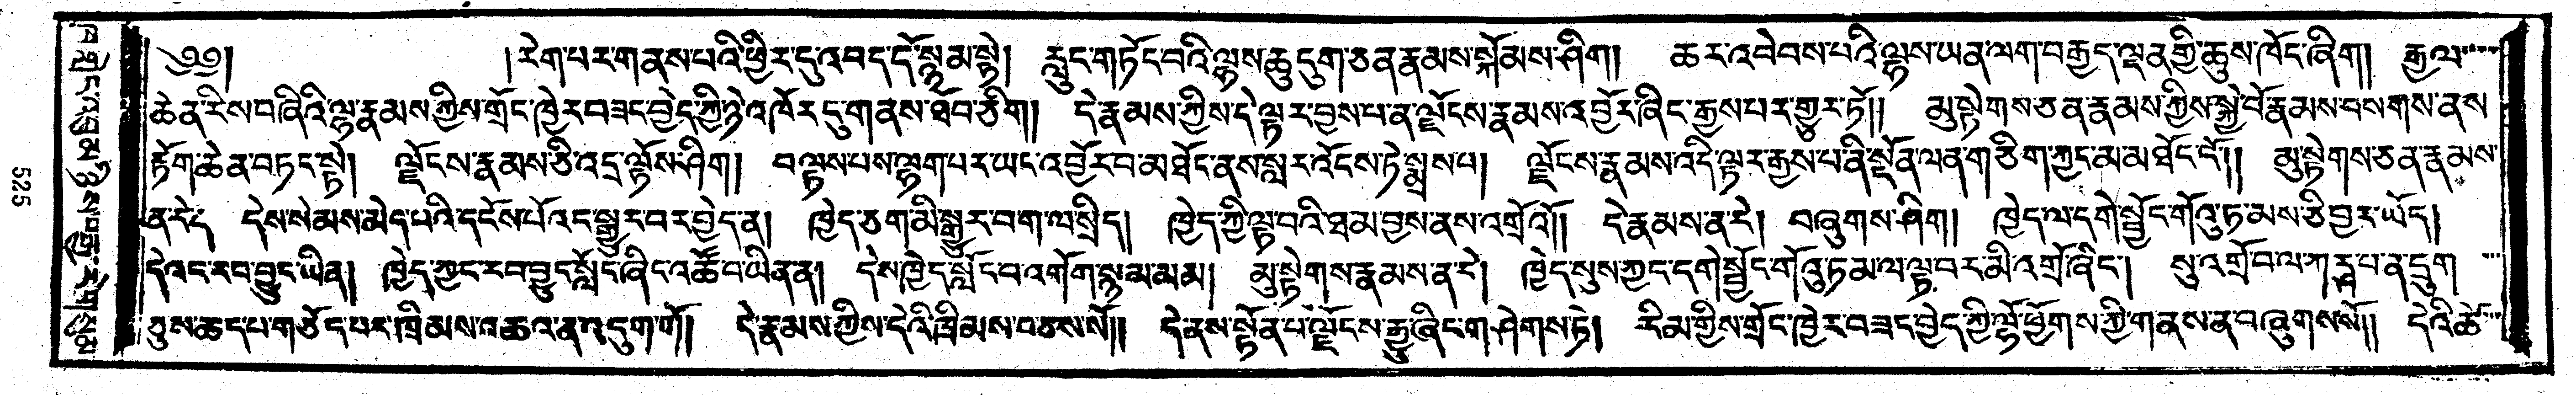༄༅། །རེག་པར་གནས་པའི་ཕྱིར་དུ་འབད་དོ་སྙམ་སྟེ། རླུང་གཏོང་བའི་ལྷས་ཆུ་དུག་ཅན་རྣམས་སྐོམས་ཤིག། ཆར་འབེབས་པའི་ལྷས་ཡན་ལག་བརྒྱད་ལྡན་གྱི་ཆུས་ཁོང་ཞིག། རྒྱལ་
ཆེན་རིས་བཞིའི་ལྷ་རྣམས་ཀྱིས་གྲོང་ཁྱེར་བཟང་བྱེད་ཀྱི་ཉེ་འཁོར་དུ་གནས་ཐོབ་ཅིག། དེ་རྣམས་ཀྱིས་དེ་ལྟར་བྱས་པ་ན་ལྗོངས་རྣམས་འབྱོར་ཞིང་རྒྱས་པར་གྱུར་ཏོ།། མུ་སྟེགས་ཅན་རྣམས་ཀྱིས་སྐྱེ་བོ་རྣམས་བསགས་ནས་
རྟོག་ཆེན་བཏང་སྟེ། ལྗོངས་རྣམས་ཅི་འདྲ་ལྟོས་ཤིག། བལྟས་པས་ལྷག་པར་ཡང་འབྱོར་བ་མཐོང་ནས་སླར་འོངས་ཏེ་སྨྲས་པ། ལྗོངས་རྣམས་འདི་ལྟར་རྒྱས་པ་ནི་སྡོན་ལན་གཅིག་ཀྱང་མ་མཐོང་ངོ།། མུ་སྟེགས་ཅན་རྣམས་
ན་རེ༑ དེས་སེམས་མེད་པའི་དངོས་པོའང་སྒྱུར་བར་བྱེད་ན། ཁྱེད་ཅག་མི་སྒྱུར་བ་ག་ལ་སྲིད། ཁྱེད་ཀྱི་ལྟ་བའི་ཐ་མ་བྱས་ནས་འགྲོའོ།། དེ་རྣམས་ན་རེ། བཞུགས་ཤིག། ཁྱེད་ལ་དགེ་སྦྱོང་གོའུ་ཏ་མས་ཅི་བྱར་ཡོད།
དེའང་རབ་བྱུང་ཡིན། ཁྱེད་ཀྱང་རབ་བྱུང་སློང་ཞིང་འཚོ་བ་ཡིན་ན། དེས་ཁྱེད་སློང་བ་འགོག་སྙམ་མམ། མུ་སྟེགས་རྣམས་ན་རེ། ཁྱེད་སུས་ཀྱང་དགེ་སྦྱོང་གོའུ་ཏ་མ་ལ་ལྟ་བར་མི་འགྲོ་ཞིང་། སུ་འགྲོ་བ་ལ་ཀརྴ་པ་ན་དྲུག་
ཅུས་ཆད་པ་གཅོད་པར་ཁྲིམས་འཆའ་ན་འདུག་གོ། དེ་རྣམས་ཀྱིས་དེའི་ཁྲིམས་བཅས་སོ།། དེ་ནས་སྟོན་པ་ལྗོངས་རྒྱུ་ཞིང་གཤེགས་ཏེ། རིམ་གྱིས་གྲོང་ཁྱེར་བཟང་བྱེད་ཀྱི་ལྷོ་ཕྱོགས་ཀྱི་གནས་ན་བཞུགས་སོ།། དེའི་ཚེ་